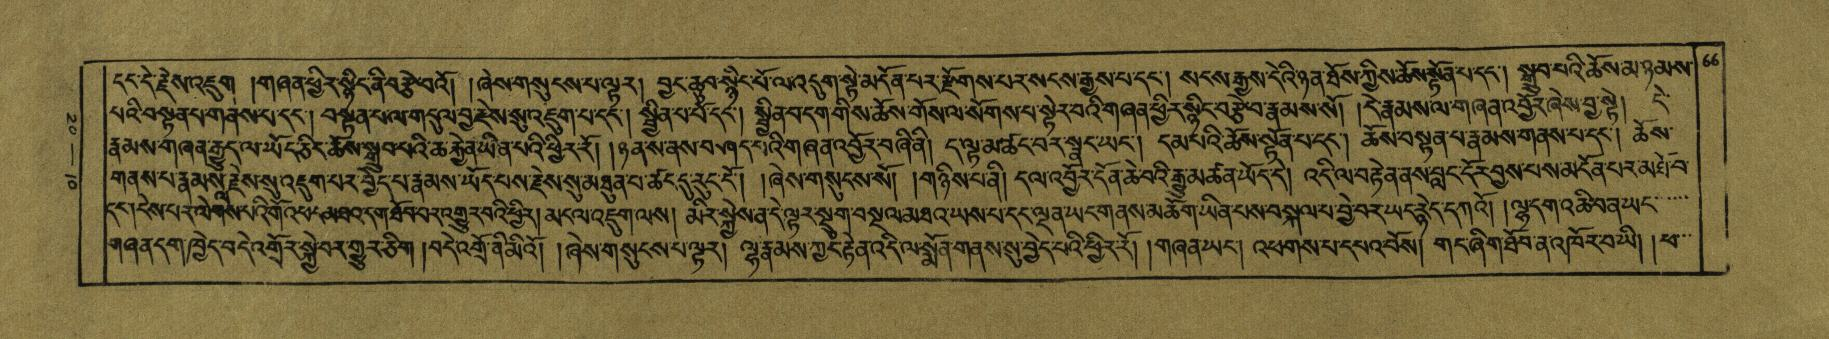དང་དེ་རྗེས་འཇུག །གཞན་ཕྱིར་སྙིང་ནི་བརྩེ་བའོ། །ཞེས་གསུངས་པ་ལྟར། བྱང་ཆུབ་སྙིང་པོ་ལ་འདུག་སྟེ་མངོན་པར་རྫོགས་པར་སངས་རྒྱས་པ་དང་། སངས་རྒྱས་དེའི་ཉན་ཐོས་ཀྱིས་ཆོས་སྟོན་པ་དང་། སྒྲུབ་པའི་ཆོས་མ་ཉམས་
པའི་བསྟན་པ་གནས་པ་དང་། བསྟན་པ་ལ་གདུལ་བྱ་རྗེས་སུ་འཇུག་པ་དང་། སྦྱིན་པ་པོ་དང་། སྦྱིན་བདག་གིས་ཆོས་གོས་ལ་སོགས་པ་སྟེར་བའི་གཞན་ཕྱིར་སྙིང་བརྩེ་བ་རྣམས་སོ། །དེ་རྣམས་ལ་གཞན་འབྱོར་ཞེས་བྱ་སྟེ། དེ་
རྣམས་གཞན་རྒྱུད་ལ་ཡོད་ཅིང་ཆོས་སྒྲུབ་པའི་ཆ་རྐྱེན་ཡིན་པའི་ཕྱིར་རོ། །ཉན་ས་ནས་བཤད་པའི་གཞན་འབྱོར་བཞི་ནི། ད་ལྟ་མ་ཚང་བར་སྣང་ཡང་། དམ་པའི་ཆོས་སྟོན་པ་དང་། ཆོས་བསྟན་པ་རྣམས་གནས་པ་དང་། ཆོས་
གནས་པ་རྣམས་ལ་རྗེས་སུ་འཇུག་པར་བྱེད་པ་རྣམས་ཡོད་པས་རྗེས་སུ་མཐུན་པ་ཚང་དུ་རུང་ངོ། །ཞེས་གསུངས་སོ། །གཉིས་པ་ནི། དལ་འབྱོར་དོན་ཆེ་བའི་རྒྱུ་མཚན་ཡོད་དེ། འདི་ལ་བརྟེན་ནས་བླང་དོར་བྱས་པས་མངོན་པར་མཐོ་བ་
དང་། ངེས་པར་ལེགས་པའི་གོ་འཕང་མཐའ་དག་ཐོབ་པར་འགྱུར་བའི་ཕྱིར། མངལ་འཇུག་ལས། མིར་སྐྱེས་ན་དེ་ལྟར་སྡུག་བསྔལ་མཐའ་ཡས་པ་དང་ལྡན་ཡང་གནས་མཆོག་ཡིན་པས་བསྐལ་པ་བྱེ་བར་ཡང་རྙེད་དཀའོ། །ལྷ་དག་འཆི་བ་ན་ཡང་
གཞན་དག་ཁྱེད་བདེ་འགྲོར་སྐྱེ་བར་གྱུར་ཅིག །བདེ་འགྲོ་ནི་མིའོ། །ཞེས་གསུངས་པ་ལྟར། ལྷ་རྣམས་ཀྱང་རྟེན་འདི་ལ་སྨོན་གནས་སུ་བྱེད་པའི་ཕྱིར་རོ། །གཞན་ཡང་། འཕགས་པ་དཔའ་བོས། གང་ཞིག་ཐོབ་ན་འཁོར་བ་ཡི། །ཕ་